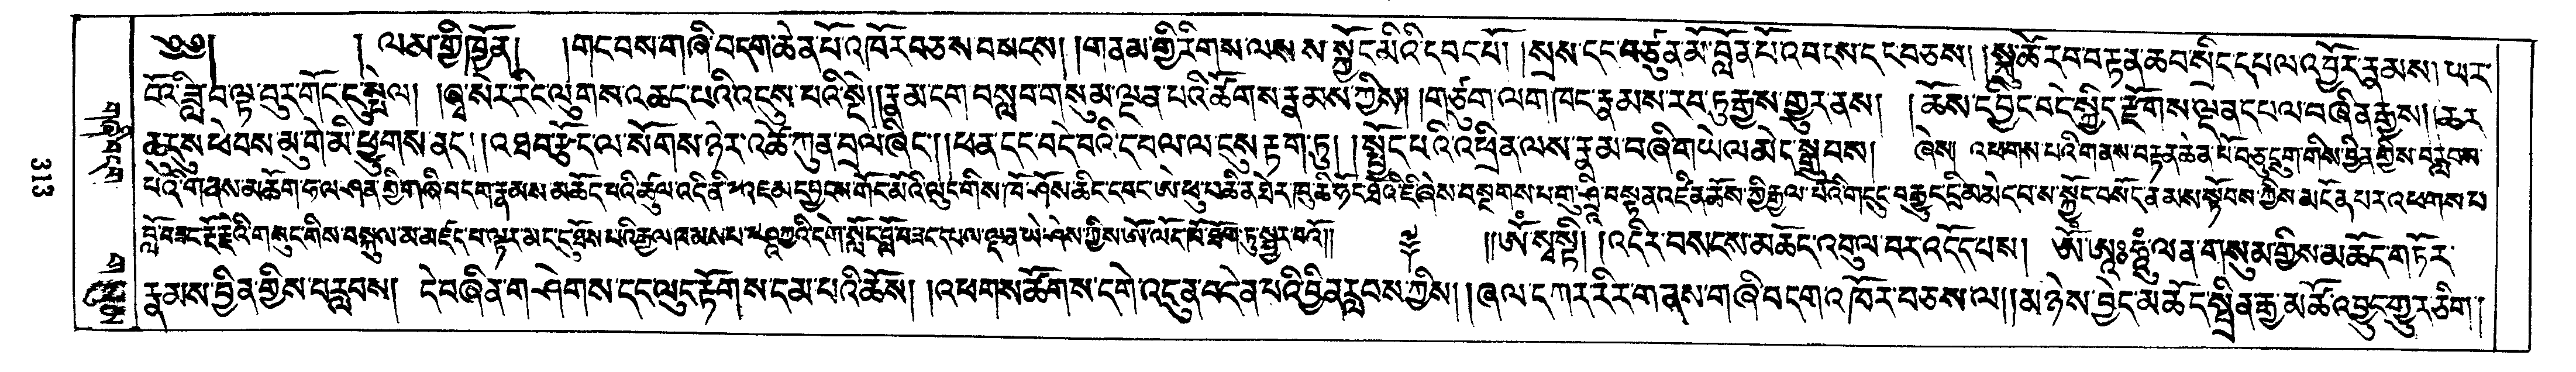༄༅། །ལམ་གྱི་ཁྱོན། །གང་བས་གཞི་བདག་ཆེན་བོ་འཁོར་བཅས་བསངས། །གནམ་གྱི་རིགས་ལས་ས་སྐྱོང་མིའི་དབང་བོ། །སྲས་དང་བཙུན་མོ་བློན་པོ་འབངས་དང་བཅས། །སྐུ་ཚེ་རབ་བརྟན་ཆབ་སྲིད་དཔལ་འབྱོར་རྣམས། །ཡར་
ངོའི་ཟླ་བ་ལྟ་བུར་གོང་དུ་སྤེལ། །ཞྭ་སེར་རིང་ལུགས་འཆང་བའི་འདུས་པའི་སྡེ། །རྣམ་དག་བསླབ་གསུམ་ལྡན་པའི་ཚོགས་རྣམས་ཀྱིས། །གཙུག་ལག་ཁང་རྣམས་རབ་ཏུ་རྒྱས་གྱུར་ནས། །ཆོས་འབྱོར་བདེ་སྐྱིང་རྫོགས་ལྡན་དཔལ་བཞིན་རྒྱས། །ཆར་
ཆུ་དུས་ཕེབས་མུ་གེ་མི་ཕྱུགས་ནད། །འཐབ་རྩོད་ལ་སོགས་ཉེར་འཚེ་ཀུན་བྲལ་ཞིང་། །ཕན་དང་བདེ་བའི་དཔལ་ལ་དུས་རྟག་ཏུ། །སྤྱོད་པའི་འཕྲིན་ལས་རྣམ་བཞི་གཡེལ་མེད་སྒྲུབས། ཞེས། འཕགས་པའི་གནས་བརྟན་ཆེན་པོ་བཅུ་དྲུག་གིས་བྱིན་གྱིས་བརླབས་
པའི་གནས་མཆོག་ཧ་ལ་ཤན་གྱི་གཞི་བདག་རྣམས་མཆོད་པའི་ཚུལ་འདི་ནི་འཇམ་དབྱངས་གོང་མའི་ལུང་གིས་ཁོ་ཤོས་ཆིང་དབང་ཨེ་ཕུ་པ་ཆེན་ཐེར་ཁུ་ཆི་ཧོང་ཐའི་ཇི་ཞེས་བསྔགས་པ་གུ་ཤྲཱི་བསྟན་འཛིན་ཆོས་ཀྱི་རྒྱལ་པའི་གདུང་བརྒྱུད་དྲི་མ་མེད་པས་སྐྱོང་བསོང་ནམས་སྟོབས་ཀྱིས་མངོན་པར་འཕགས་པ་
བློ་བཟང་རྡོ་རྗེའི་གསུང་གིས་བསྐུལ་མ་མཛད་པ་ལྟར་མང་དུ་ཐོས་པའི་རྒྱལ་ཁམས་པ་ཤཱཀྱའི་དགེ་སློང་བློ་བཟང་དཔལ་ལྡན་ཡེ་ཤེས་ཀྱིས་ཨོ་ལོང་ཁོ་ཐོག་ཏུ་སྦྱར་བའོ།། ༈ །།ཨོཾ་སྭ་སྟི། འདིར་བསངས་མཆོད་འབུལ་བར་འདོད་པས། ཨོཾ་ཨཱཿ ཧཱུཾ་ལན་གསུམ་གྱིས་མཆོད་གཏོར་
རྣམས་བྱིན་གྱིས་བརླབས། དེ་བཞིན་གཤེགས་དང་ལུང་རྟོགས་དམ་པའི་ཆོས། །འཕགས་ཚོགས་དགེ་འདུན་བདེན་པའི་བྱིན་རླབས་ཀྱིས། །ཞལ་དཀར་རིར་གནས་གཞི་བདག་འཁོར་བཅས་ལ། །མཉེས་བྱེད་མཆོད་སྤྲིན་རྒྱ་མཚོ་འབྱུང་གྱུར་ཅིག།